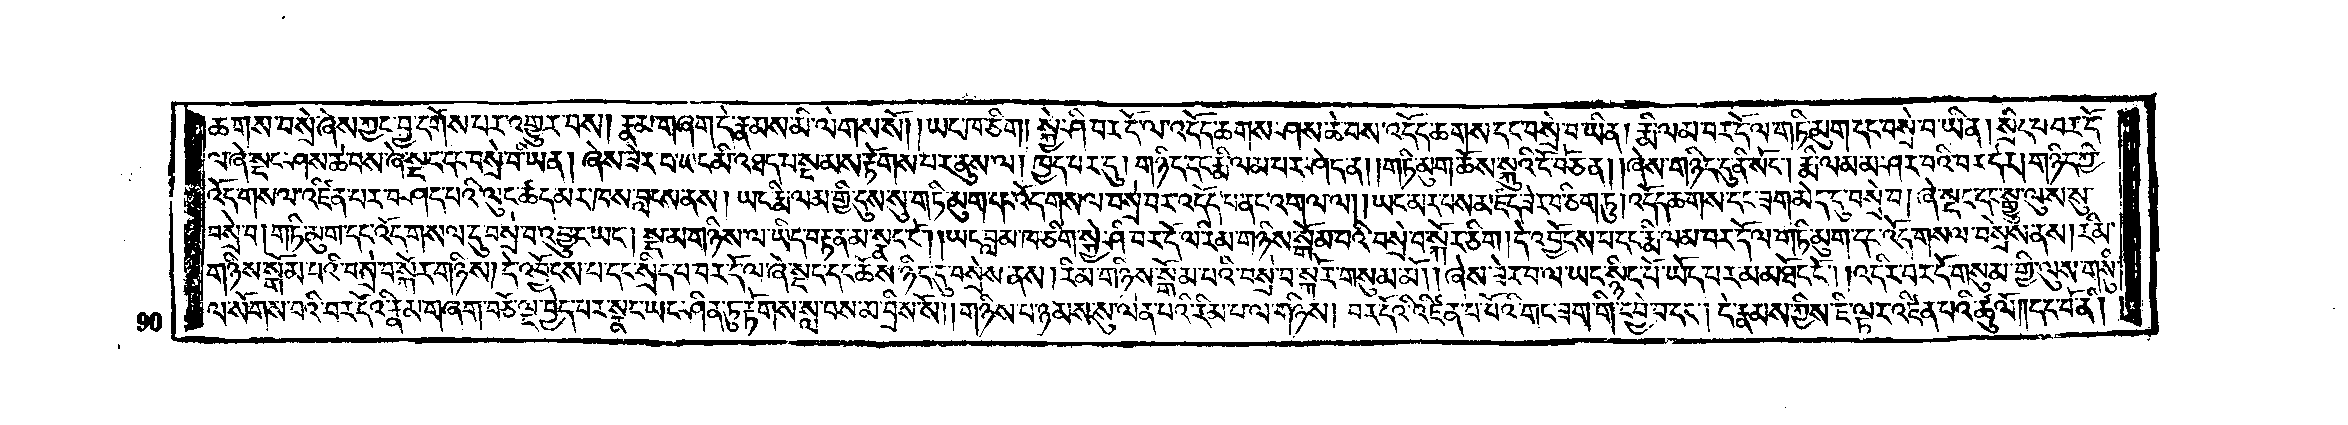ཆགས་བསྲེ་ཞེས་ཀྱང་བྱ་དགོས་པར་འགྱུར་བས། རྣམ་གཞག་དེ་རྣམས་མི་ལེགས་སོ། །ཡང་ཁ་ཅིག །སྐྱེ་ཤི་བར་དོ་ལ་འདོད་ཆགས་ཤས་ཆེ་བས་འདོད་ཆགས་དང་བསྲེ་བ་ཡིན། རྨི་ལམ་བར་དོ་ལ་གཏི་མུག་དང་བསྲེ་བ་ཡིན། སྲིད་པ་བར་དོ་
ལ་ཞེ་སྡང་ཤས་ཆེ་བས་ཞེ་སྡང་དང་བསྲེ་བ་ཡིན། ཞེས་ཟེར་བ་ཡང་མི་འཐད་པ་སྔ་མས་རྟོགས་པར་ནུས་ལ། ཁྱད་པར་དུ། གཉིད་དང་རྨི་ལམ་པར་ཤེད་ན། །གཏི་མུག་ཆོས་སྐུའི་ངོ་བོ་ཅན། །ཞེས་གཉིད་དུ་ནི་སོང་། རྨི་ལམ་མ་ཤར་བའི་བར་དེར། གཉིད་ཀྱི་འོད་གསལ་འཛིན་པར་བཤད་པའི་ལུང་ཚད་མར་ཁས་བླངས་ནས། ཡང་རྨི་ལམ་གྱི་དུས་སུ་གཏི་མུག་དང་འོད་གསལ་བསྲེ་བར་འདོད་པ་ནང་འགལ་ལོ། །ཡང་མར་པས་མཛད་ཟེར་བ་ཅིག་ཏུ། འདོད་ཆགས་དང་ཟག་མེད་དུ་བསྲེ་བ། ཞེ་སྡང་དང་སྒྱུ་ལུས་སུ་
བསྲེ་བ། གཏི་མུག་དང་འོད་གསལ་དུ་བསྲེ་བ་འབྱུང་ཡང་། སྔ་མ་གཉིས་ལ་ཡིད་བརྟན་མ་སྣང་ངོ། །ཡང་བླ་མ་ཁ་ཅིག་སྐྱེ་ཤི་བར་དོ་ལ་རིམ་གཉིས་སྒོམ་པའི་བསྲེ་བ་སྐོར་ཅིག །དེ་འབྱོངས་པ་དང་རྨི་ལམ་བར་དོ་ལ་གཏི་མུག་དང་འོད་གསལ་བསྲེས་ནས། རིམ་
གཉིས་སྒོམ་པའི་བསྲེ་བ་སྐོར་གཉིས། དེ་འབྱོངས་པ་དང་སྲིད་པ་བར་དོ་ལ་ཞེ་སྡང་དང་ཆོས་ཉིད་དུ་བསྲེས་ནས། རིམ་གཉིས་སྒོམ་པའི་བསྲེ་བ་སྐོར་གསུམ་མོ། །ཞེས་ཟེར་བ་ལ་ཡང་སྙིང་པོ་ཡོད་པར་མ་མཐོང་ངོ། །འདིར་བར་དོ་གསུམ་གྱི་ལུས་གསུམ་
ལ་སོགས་པའི་བར་དོའི་རྣམ་གཞག་བཅོ་ལྔ་བྱེད་པར་སྣང་ཡང་ཤིན་ཏུ་རྟོགས་སླ་བས་མ་བྲིས་སོ། །གཉིས་པ་ཉམས་སུ་ལེན་པའི་རིམ་པ་ལ་གཉིས། བར་དོའི་འཛིན་པ་པོའི་གང་ཟག་གི་དབྱེ་བ་དང་། དེ་རྣམས་ཀྱིས་ཇི་ལྟར་འཛིན་པའི་ཚུལ་ལོ། །དང་པོ་ནི།